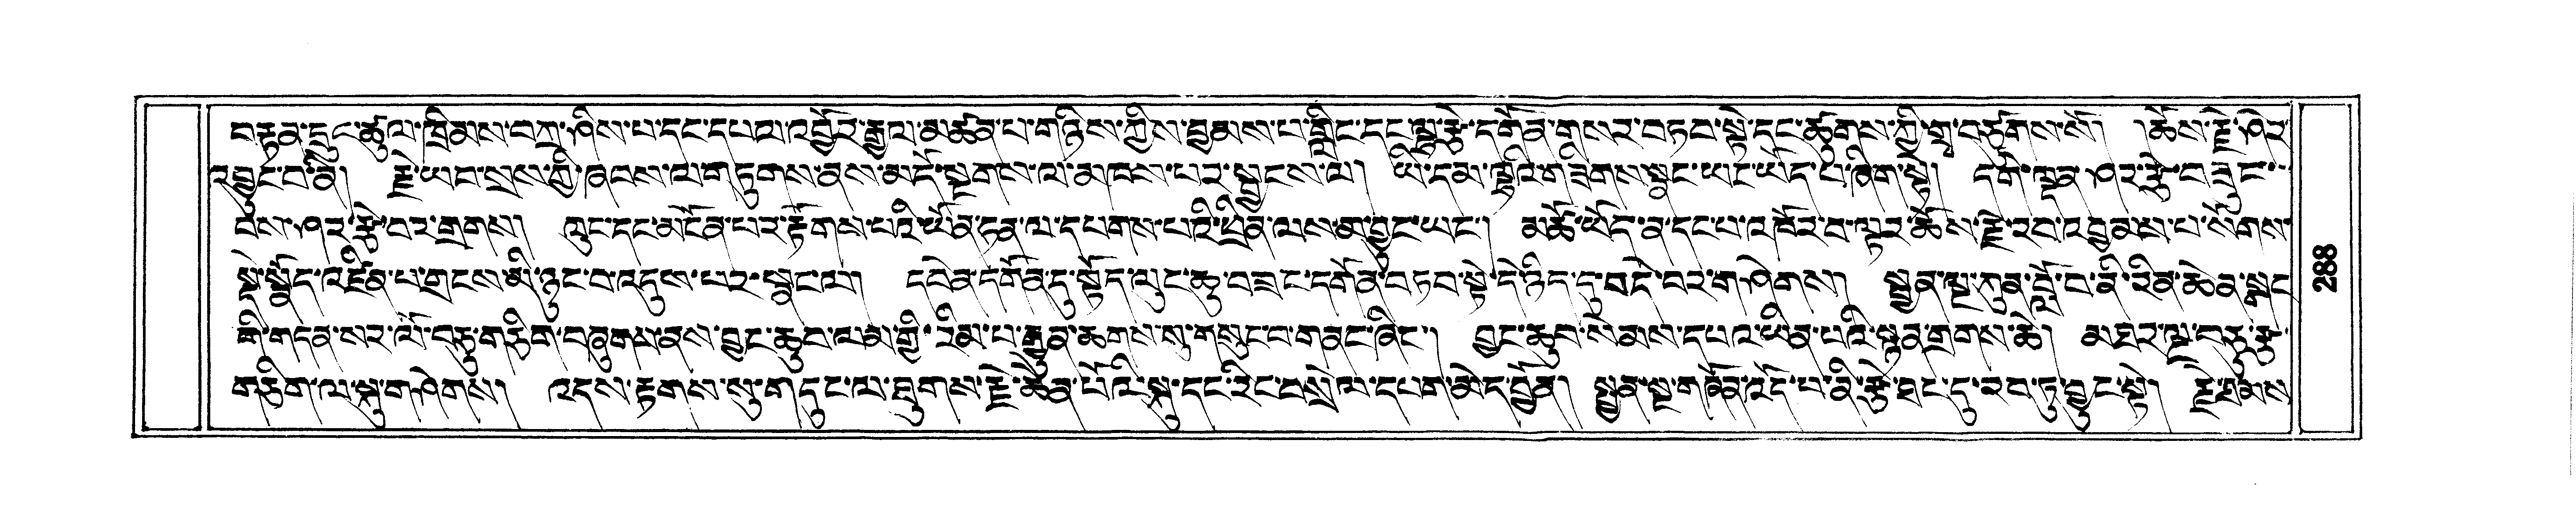བརྟན་དྲུང་ཚུལ་ཁྲིམས་བཀྲ་ཤིས་པ་དང་དཔལ་འབྱོར་རྒྱལ་མཚན་པ་གཉིས་ཀྱིས་བྱམས་པ་གླིང་དང་ལྷ་རྩེ་དགོན་གསར་བཏབ་སྟེ་དང་ཚུགས་ཀྱི་གྲྭ་བཙུགས་སོ། །ཆོས་རྗེ་ཤེར་
འབྱུང་བ་ནི། རྗེ་ཡབ་སྲས་ཀྱི་ཞབས་ལ་གཏུགས་ནས་མདོ་སྔགས་ལ་མཁས་པར་སྦྱངས་ལ། ཡི་དམ་ལྷའི་གཟིགས་སྣང་ཡང་ཡོད་པ་ཞིག་སྟེ། དགེ་ལྡན་ཤར་རྩེ་བཟུང་
བས་ཤར་རྩེ་བར་གྲགས། ལུང་དང་མངོན་པར་རྟོགས་པའི་ཡོན་ཏན་ལ་དཔགས་པའི་ཕྲིན་ལས་མ་བྱུང་ཡང་། མཚོ་ཡོད་ན་དང་པ་འཁོར་བ་ལྟར་ཆོས་རྗེ་རབ་འབྱམས་པ་སོགས་
སྡེ་སྣོད་འཛིན་པ་གྲངས་མི་ཉུང་བ་འདུས་པར་སྣང་ལ། དབེན་དགོན་དུ་སྟོད་ལུང་ཆུ་བཟང་དགོན་བཏབ་སྟེ་དེ་ཉིད་དུ་བདེ་བར་གཤེགས། སྤྱན་ལྔ་ཀུན་བློ་བ་ནི་རིན་ཆེན་སྒང་
གི་གདན་སར་ལོ་བཅུ་གཅིག་བཞུགས་ནས་བྱང་ཆུབ་ལམ་གྱི་རིམ་པ་རྒྱུན་ཆགས་སུ་གསུང་བ་གནང་ཞིང་། བྱང་ཆུབ་སེམས་དཔའ་ཡིན་པའི་སྙན་གྲགས་ཆེ། མཐར་ལྔ་བཅུ་རྩ་
གཅིག་ལ་སྐུ་གཤེགས། འདས་རྟགས་སུ་གདུང་ལ་ཐུགས་རྗེ་ཆེན་པོའི་སྐུ་དང་རིང་བསྲེལ་དཔག་མེད་བྱོན། སྤྱན་སྔ་གཞོན་འོད་པ་ནི་རྩེ་ཐང་དུ་རབ་ཏུ་བྱུང་སྟེ། རྗེ་ཐམས་